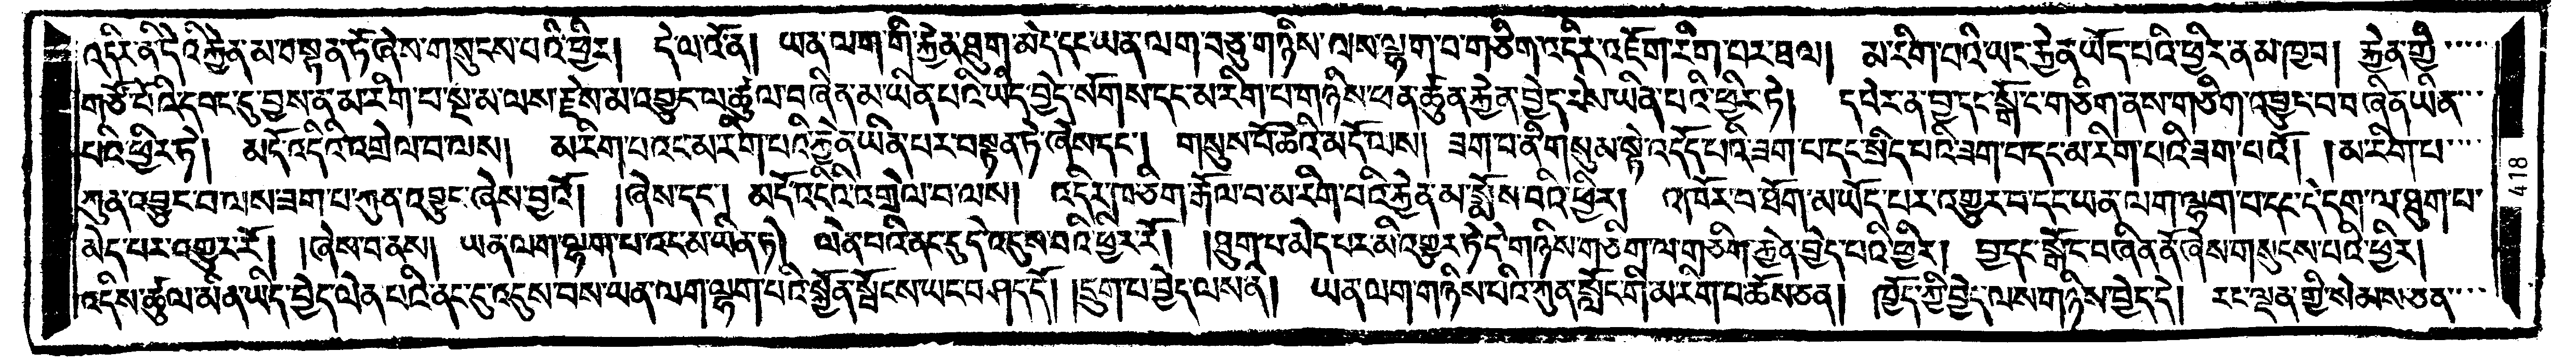འདིར་ནི་དེའི་རྐྱེན་མ་བསྟན་ཏོ་ཞེས་གསུངས་པའི་ཕྱིར། དེ་ལ་འོ་ན། ཡན་ལག་གི་རྐྱེན་ཐུག་མེད་དང་ཡན་ལག་བཅུ་གཉིས་ལས་ལྷག་པ་གཅིག་འདིར་འཇོག་རིག་པར་ཐལ། མ་རིག་པའི་ཡང་རྐྱེན་ཡོད་པའི་ཕྱིར་ན་མ་ཁྱབ། རྐྱེན་གྱི་
གཙོ་བོའི་དབང་དུ་བྱས་ན་མ་རིག་པ་སྔ་མ་ལས་རྗེས་མ་འབྱུང་ལ་ཚུལ་བཞིན་མ་ཡིན་པའི་ཡིད་བྱེད་སོགས་དང་མ་རིག་པ་གཉིས་ཕན་ཚུན་རྐྱེན་བྱེད་རེས་ཡིན་པའི་ཕྱིར་ཏེ། དཔེར་ན་བྱ་དང་སྒོ་ང་གཅིག་ནས་གཅིག་འབྱུང་བ་བཞིན་ཡིན་
པའི་ཕྱིར་ཏེ། མདོ་འདིའི་འགྲེལ་བ་ལས། མ་རིག་པའང་མ་རིག་པའི་རྐྱེན་ཡིན་པར་བསྟན་ཏེ་ཞེས་དང་། གསུས་པོ་ཆེའི་མདོ་ལས། ཟག་པ་ནི་གསུམ་སྟེ་འདོད་པའི་ཟག་པ་དང་སྲིད་པའི་ཟག་པ་དང་མ་རིག་པའི་ཟག་པའོ། །མ་རིག་པ་
ཀུན་འབྱུང་བ་ལས་ཟག་པ་ཀུན་འབྱུང་ཞེས་བྱའོ། །ཞེས་དང་། མདོ་འདིའི་འགྲེལ་བ་ལས། འདིར་ཁ་ཅིག་རྒོལ་བ་མ་རིག་པའི་རྐྱེན་མ་སྨོས་པའི་ཕྱིར། འཁོར་བ་ཐོག་མ་ཡོད་པར་འགྱུར་བ་དང་ཡན་ལག་ལྷག་པ་དང་དེ་དག་ལ་ཐུག་པ་
མེད་པར་འགྱུར་རོ། །ཞེས་པ་ནས། ཡན་ལག་ལྷག་པ་འང་མ་ཡིན་ཏེ། ལེན་པའི་ནང་དུ་དེ་འདུས་པའི་ཕྱིར་རོ། །ཐུག་པ་མེད་པར་མི་འགྱུར་ཏེ་དེ་གཉིས་གཅིག་ལ་གཅིག་རྐྱེན་བྱེད་པའི་ཕྱིར། བྱ་དང་སྒོ་ང་བཞིན་ནོ་ཞེས་གསུངས་པའི་ཕྱིར།
འདིས་ཚུལ་མིན་ཡིད་བྱེད་ལེན་པའི་ནང་དུ་འདུས་བས་ཡན་ལག་ལྷག་པའི་སྐྱོན་སྤོངས་ཡང་བཤད་དོ། །དྲུག་པ་བྱེད་ལས་ནི། ཡན་ལག་གཉིས་པའི་ཀུན་སློང་གི་མ་རིག་པ་ཆོས་ཅན། ཁྱོད་ཀྱི་བྱེད་ལས་གཉིས་བྱེད་དེ། རང་ལྡན་གྱི་སེམས་ཅན་